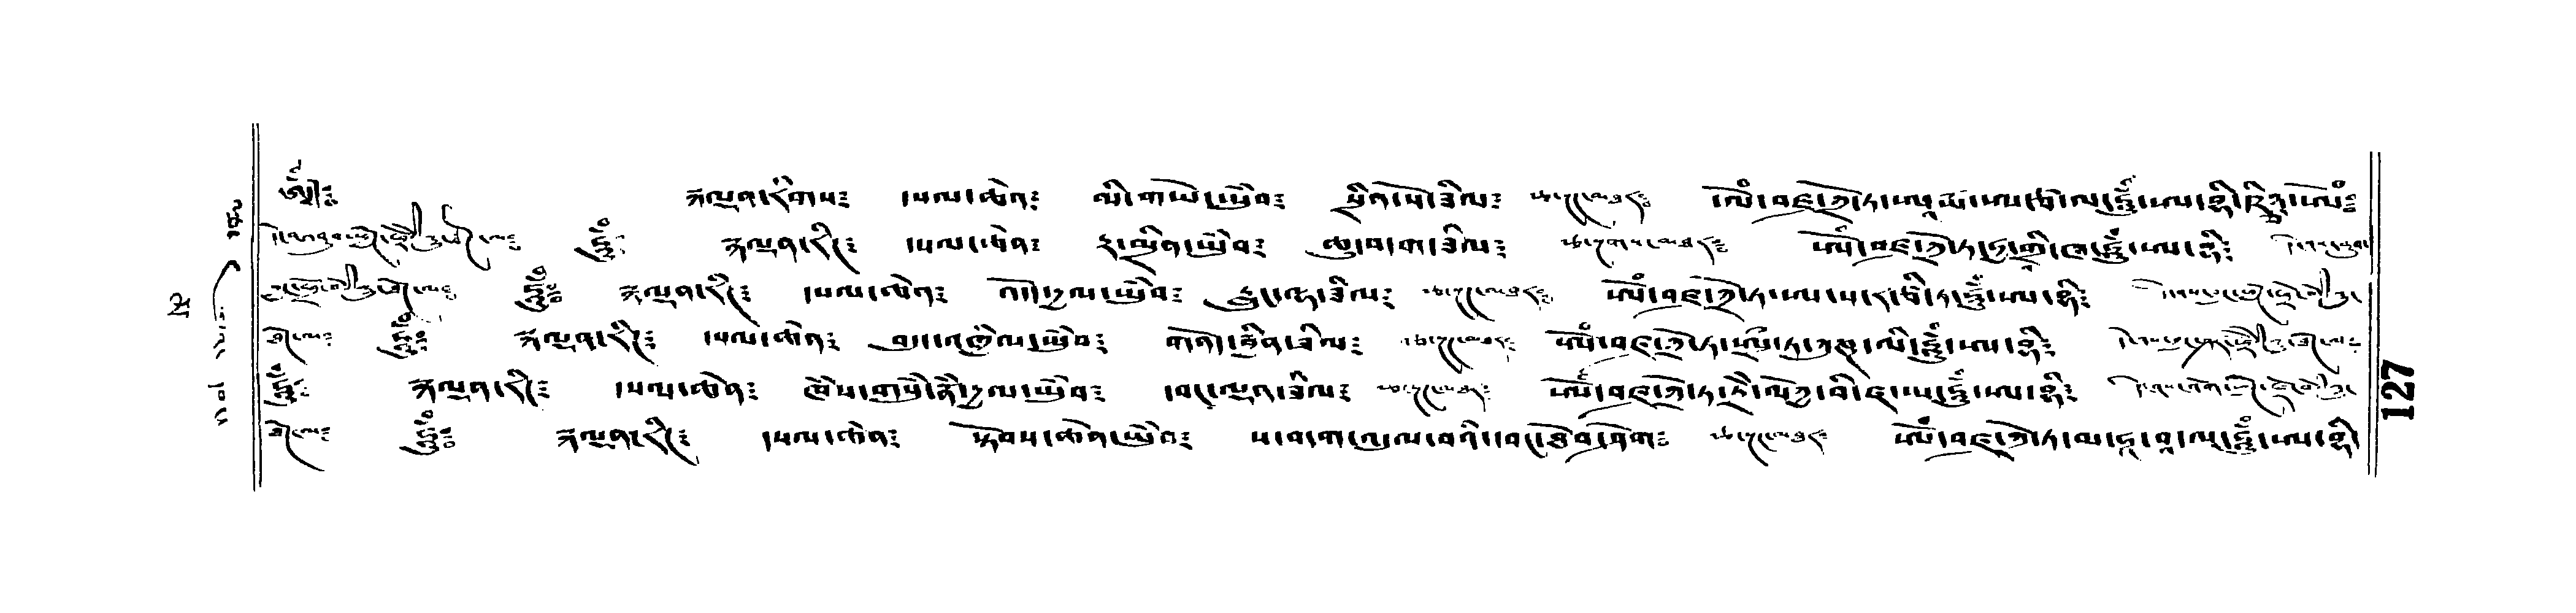སྐལ་ལྡན་རིགས༴ དཔལ་ཆེན༴ མི་གཡོ་ཡབ་ཡུམ༴ སྲིན་པོ་ཟིལ༴ རྩ་སྔགས་མཐར༔ ཨོཾ་བཛྲ་ཀྲོ་ཏ་ཨཱརྻ་ཨ་ཙ་ལ་ཧཱུྃ་
ཨ་བྷི་སོགས༔ དེ་ནས་ནུབ་ཕྱོགས་ཁྲོ་བོའི་སྐུ་ཐོགས་ལ༔ ཧཱུྃ༔ སྐལ་ལྡན་རིགས༴ དཔལ་ཆེན༴ རྟ་མགྲིན་ཡབ་ཡུམ༴ ཆུ་བདག་ཟིལ༴ རྩ་སྔགས་མཐར༔ ཨོཾ་བཛྲ་ཀྲོ་ཏ་ཧྱ་གྲཱི་ཝ་ཧཱུྃ་ཨ་བྷི་སོགས༔ དེ་ནས་ནུབ་
བྱང་ཁྲོ་བོའི་སྐུ་ཐོགས་ལ༔ ཧཱུྃ༔ སྐལ་ལྡན་རིགས༴ དཔལ་ཆེན༴ འདོད་རྒྱལ་ཡབ་ཡུམ༴ རླུང་ལྷ་ཟིལ༴ རྩ་སྔགས་མཐར༔ ཨོཾ་བཛྲ་ཀྲོ་ཏ་ཨ་པ་ར་ཙི་ཏ་ཧཱུྃ་ཨ་བྷི་སོགས༔ དེ་ནས་བྱང་ཕྱོགས་ཁྲོ་བོའི་སྐུ་
ཐོགས་ལ༔ ཧཱུྃ༔ སྐལ་ལྡན་རིགས༴ དཔལ་ཆེན༴ བདུད་འཁྱིལ་ཡབ་ཡུམ༴ གནོད་སྦྱིན་ཟིལ༴ རྩ་སྔགས་མཐར༔ ཨོཾ་བཛྲ་ཀྲོ་ཏ་ཨ་མྲྀ་ཏ་ཀུཎྜ་ལི་ཧཱུྃ་ཨ་བྷི་སོགས༔ དེ་ལ་བྱང་ཤར་ཁྲོ་བོའི་སྐུ་ཐོགས་ལ༔ 
ཧཱུྃ༔ སྐལ་ལྡན་རིགས༴ དཔལ་ཆེན༴ ཁམས་གསུམ་རྣམ་རྒྱལ་ཡབ་ཡུམ༴ དབང་ལྡན་ཟིལ༴ རྩ་སྔགས་མཐར༔ ཨོཾ་བཛྲ་ཀྲོ་ཏ་ཏྲཻ་ལོཀྱ་བི་ཛ་ཡ་ཧཱུྃ་ཨ་བྷི་སོགས༔ དེ་ནས་འོག་ཕྱོགས་ཁྲོ་བོའི་སྐུ་
ཐོགས་ལ༔ ཧཱུྃ༔ སྐལ་ལྡན་རིགས༴ དཔལ་ཆེན༴ སྟོབས་ཆེན་ཡབ་ཡུམ༴ ས་བདག་འདུལ་བའི་དབང་ཐོབ་ཤོག༔ རྩ་སྔགས་མཐར༔ ཨོཾ་བཛྲ་ཀྲོ་ཏ་མ་ཧཱ་བཱ་ལ་ཧཱུྃ་ཨ་བྷི་